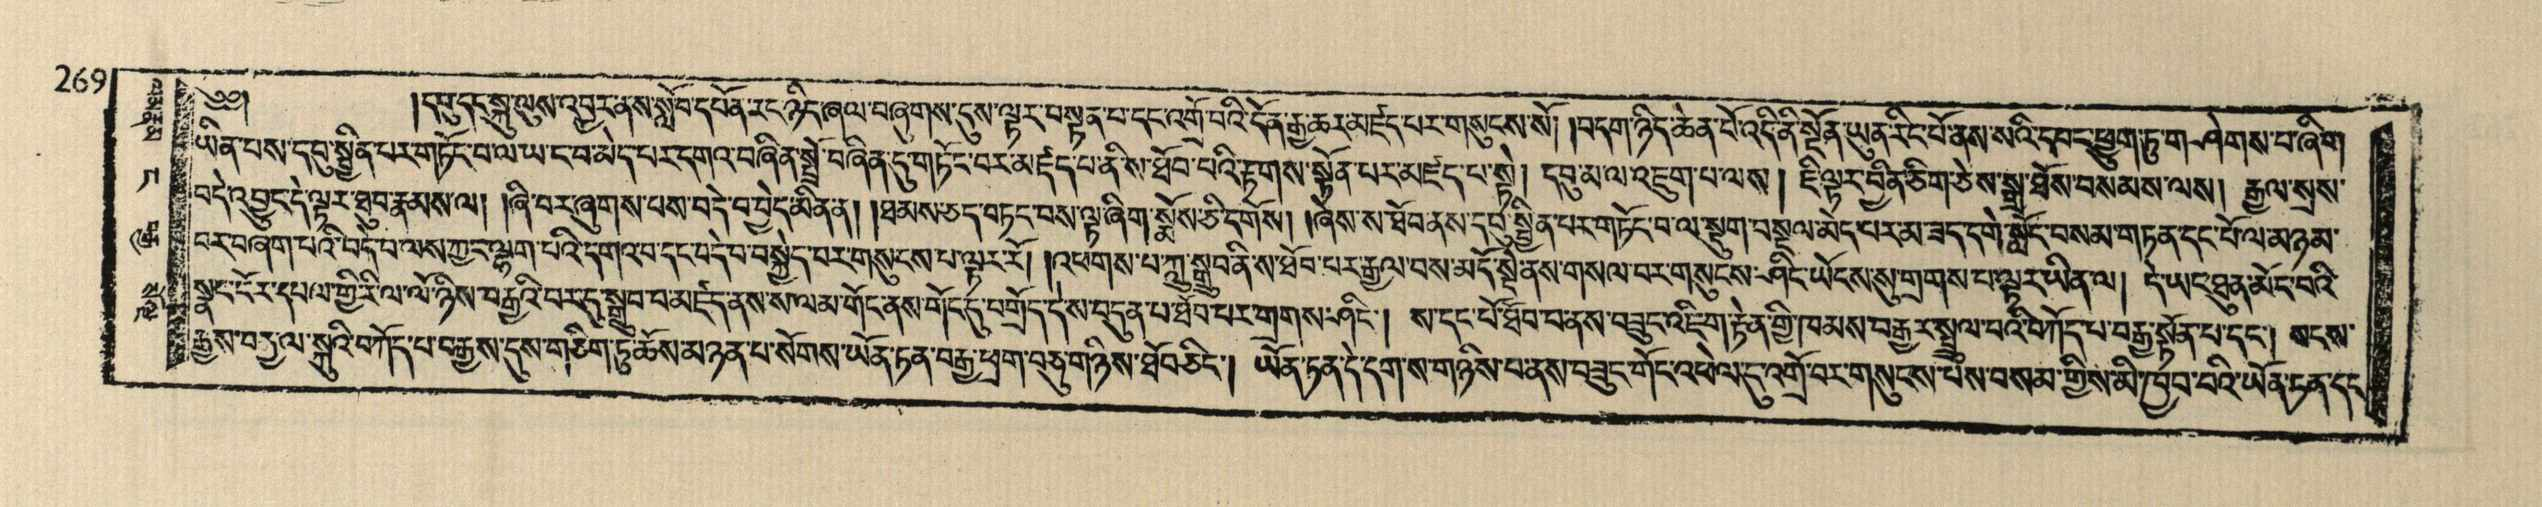༄༅། །དབུ་དང་སྐུ་ལུས་འབྱར་ནས་སློབ་དཔོན་རང་ཉིད་ཞལ་བཞུགས་དུས་ལྟར་བསྟན་པ་དང་འགྲོ་བའི་དོན་རྒྱ་ཆར་མཛད་པར་གསུངས་སོ། །བདག་ཉིད་ཆེན་པོ་འདི་ནི་སྔོན་ཡུན་རིང་པོ་ནས་སའི་དབང་ཕྱུག་ཏུ་གཤེགས་པ་ཞིག་
ཡིན་པས་དབུ་སྦྱིན་པར་གཏོང་བ་ལ་ཡང་བ་མེད་པར་དགའ་བཞིན་སྤྲོ་བཞིན་དུ་གཏོང་བར་མཛད་པ་ནི་ས་ཐོབ་པའི་རྟགས་སྟོན་པར་མཛད་པ་སྟེ། དབུ་མ་ལ་འཇུག་པ་ལས། ཇི་ལྟར་བྱིན་ཅིག་ཅེས་སྒྲ་ཐོས་བསམས་ལས། རྒྱལ་སྲས་
བདེ་འབྱུང་དེ་ལྟར་ཐུབ་རྣམས་ལ། །ཞི་བར་ཞུགས་པས་བདེ་བ་བྱེད་མིན་ན། །ཐམས་ཅད་བཏང་བས་ལྟ་ཞིག་སྨོས་ཅི་དགོས། །ཞེས་ས་ཐོབ་ནས་དབུ་སྦྱིན་པར་གཏོང་བ་ལ་སྡུག་བསྔལ་མེད་པར་མ་ཟད་དགེ་སློང་བསམ་གཏན་དང་པོ་ལ་མཉམ་
བར་བཞག་པའི་བདེ་བ་ལས་ཀྱང་ལྷག་པའི་དགའ་བ་དང་བདེ་བ་བསྐྱེད་པར་གསུངས་པ་ལྟར་རོ། །འཕགས་པ་ཀླུ་སྒྲུབ་ནི་ས་ཐོབ་པར་རྒྱལ་བས་མདོ་སྡེ་ནས་གསལ་བར་གསུངས་ཤིང་ཡོངས་སུ་གྲགས་པ་ལྟར་ཡིན་ལ། དེ་ཡང་ཐུན་མོང་བའི་
སྣང་ངོར་དཔལ་གྱི་རི་ལ་ལོ་ཉིས་བརྒྱའི་བར་དུ་སྒྲུབ་བ་མཛད་ནས་ས་ལམ་གོང་ནས་གོང་དུ་བགྲོད་དེས་བདུན་པ་ཐོབ་པར་གྲགས་ཤིང་། ས་དང་པོ་ཐོབ་པ་ནས་བཟུང་འཇིག་རྟེན་གྱི་ཁམས་བརྒྱར་སྤྲུལ་པའི་བཀོད་པ་བརྒྱ་སྟོན་པ་དང་། སངས་
རྒྱས་བརྒྱ་ལ་སྐུའི་བཀོད་པ་བརྒྱས་དུས་གཅིག་ཏུ་ཆོས་མཉན་པ་སོགས་ཡོན་ཏན་བརྒྱ་ཕྲག་བཅུ་གཉིས་ཐོབ་ཅིང་། ཡོན་ཏན་དེ་དག་ས་གཉིས་པ་ནས་བཟུང་གོང་འཕེལ་དུ་འགྲོ་བར་གསུངས་པས་བསམ་གྱིས་མི་ཁྱབ་བའི་ཡོན་ཏན་དང་